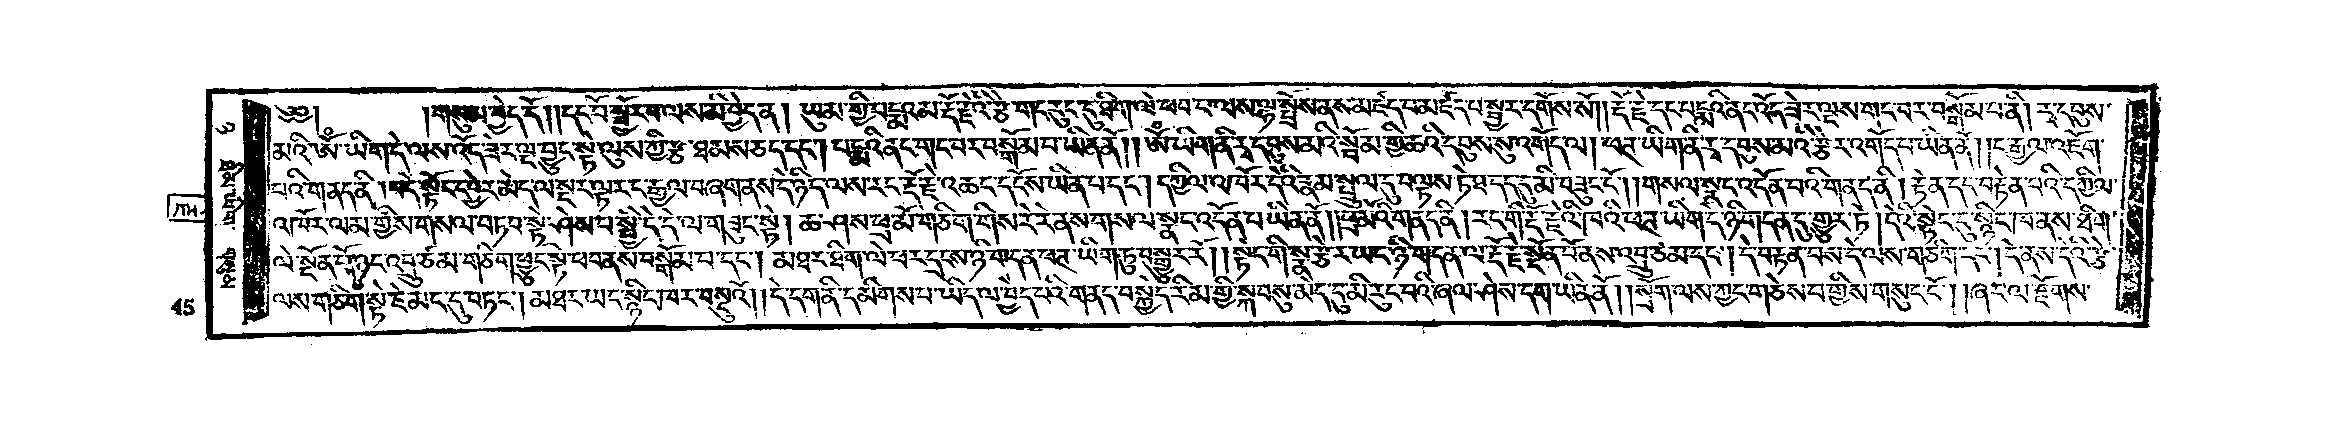༄༅། །གསུམ་བྱེད་དོ། །དང་པོ་སྦྱོར་བ་ལས་མི་བྱེད་ན། ཡུམ་གྱི་པདམའམ་རྡོ་རྗེའི་རྩེ་གང་རུང་དུ་ཐིག་ལེ་ཕབ་པ་ལས་ལྷ་སྤྲོས་ནས་མཛད་པ་མཛད་པ་སྦྱར་དགོས་སོ། །རྡོ་རྗེ་དང་པདམའི་ནང་འོད་ཟེར་ལྔས་གང་བར་བསྒོམ་པ་ནི། རྭ་དབུས་
མའི་ཨོཾ་ཡིག་དེ་ལས་འོད་ཟེར་ལྔ་བྱུང་སྟེ་ལུས་ཀྱི་རྩ་ཐམས་ཅད་དང་། པདམའི་ནང་གང་བར་བསྒོམ་པ་ཡིན་ནོ། །ཨོཾ་ཡིག་ནི་རྭ་དབུས་མའི་སྦོམ་གྱི་ཆའི་དབུས་སུ་འགོད་ལ། ཕཊ་ཡིག་ནི་རྭ་དབུས་མའི་རྩེར་འགོད་པ་ཡིན་ནོ། །ང་རྒྱལ་འཇོག་
པའི་གནད་ནི། བདེ་སྟོང་དབྱེར་མེད་ལ་སྔར་ལྟར་ང་རྒྱལ་བཞག་ནས་དེ་ཉིད་ལས་རང་རྡོ་རྗེ་འཆང་དངོས་ཡིན་པ་དང་། དཀྱིལ་འཁོར་དེའི་རྣམ་སྤྲུལ་དུ་བལྟས་ཏེ་ཐ་དད་དུ་མི་བཟུང་ངོ། །གསལ་སྣང་འདོན་པའི་གནད་ནི། རྟེན་དང་བརྟེན་པའི་དཀྱིལ་
འཁོར་ལམ་གྱིས་གསལ་བཏབ་སྟེ་ཤེས་པ་སྤྱི་དེ་དེ་ལ་གཟུང་སྟེ། ཆ་ཤས་ཕྲ་མོ་གཅིག་གིས་རེ་རེ་ནས་གསལ་སྣང་འདོན་པ་ཡིན་ནོ། །ཕྲ་མོའི་གནད་ནི། རང་གི་རྡོ་རྗེའི་ཁའི་ཕཊ་ཡིག་དེ་ཉི་གདན་དུ་གྱུར་ཏེ། དེའི་སྟེང་དུ་སྙིང་ཁ་ནས་ཐིག་
ལེ་སྔོན་པོ་ཉུང་འབྲུ་ཙམ་གཅིག་ཕྱུང་སྟེ་ཕབ་ནས་བསྒོམ་པ་དང་། མཐར་ཐིག་ལེ་ཕར་དྲངས་ཉི་གདན་ཕཊ་ཡིག་ཏུ་བསྒྱུར་རོ། །སྟེང་གི་སྣ་རྩེར་ཡང་ཉི་གདན་ལ་རྡོ་རྗེ་སྔོན་པོ་ནས་འབྲུ་ཙམ་དང་། དེ་བརྟན་པས་དེ་ལས་གཅིག་དང་། དེ་ནས་དེའི་རྩེ་
ལས་གཅིག་སྟེ་ཇེ་མང་དུ་བཏང་། མཐར་ཡང་སྙིང་ཁར་བསྡུའོ། །དེ་དག་ནི་དམིགས་པ་ཡིད་ལ་བྱེད་པའི་གནད་བསྐྱེད་རིམ་གྱི་སྐབས་སུ་མེད་དུ་མི་རུང་པའི་ཞལ་ཤེས་དག་ཡིན་ནོ། །སྲོག་ལས་ཀྱང་གཅེས་པ་གྱིས་གསུང་ངོ། །ཞར་ལ་རྫོགས་